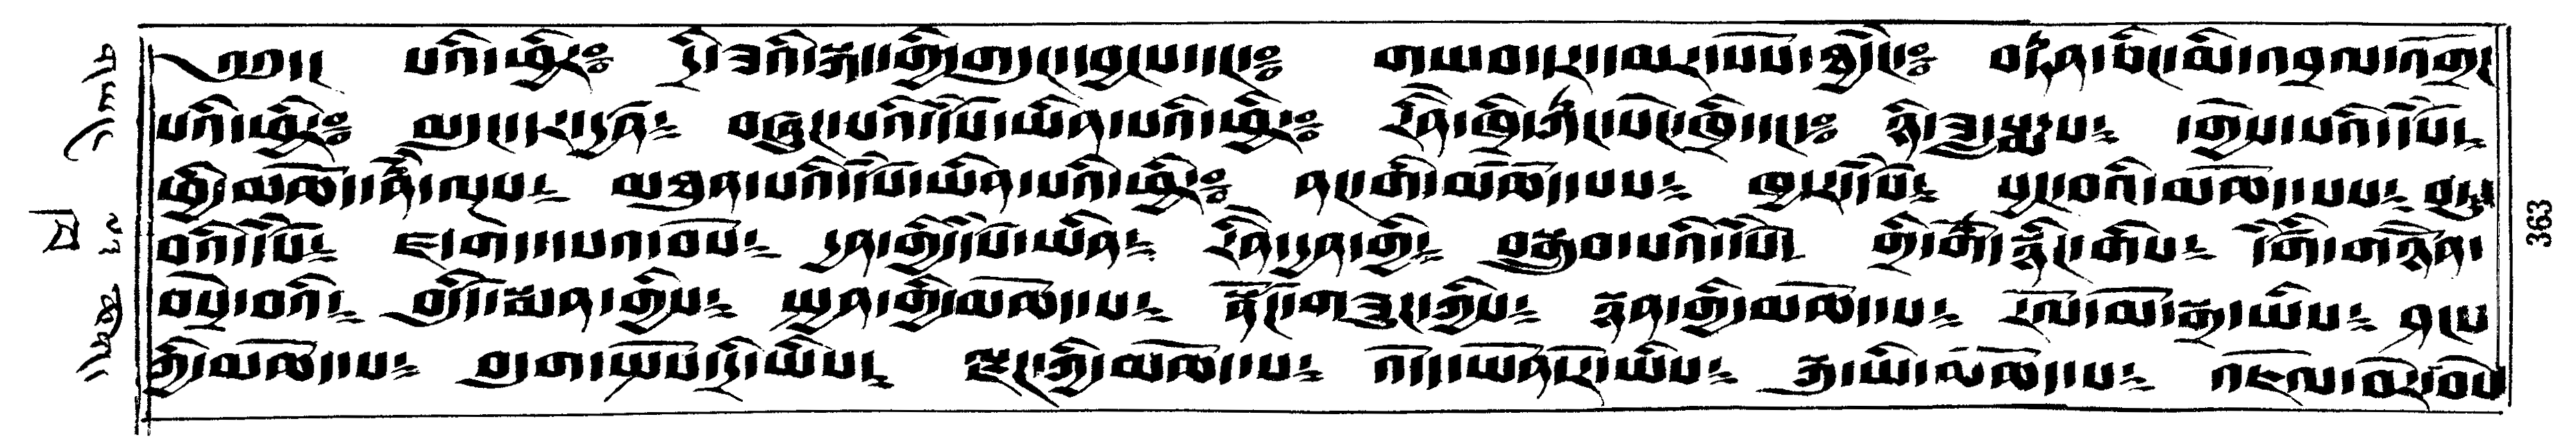པའི་ཕྱིར༔ དྲི་ཟའི་སྐད་གྱི་གདུང་དབྱངས་དང༔ གཡབ་དར་དམར་པོས་ཐུགས་དམ་བསྐང༔ བརྟན་ཅིང་མི་འབྲལ་འགྲོག་
པའི་ཕྱིར༔ མདུང་དར་རྒྱལ་མཚན༴ བཞུགས་པའི་དམ་རྫས་ཡིན་པའི་ཕྱིར༔ རིན་ཆེན་ཁྲི་རྐང་སེང་ཁྲི་དང༔ ཉི་ཟླ་པདྨས༴ དགྱེས་པའི་དམ་རྫས༴ 
ཕྱི་མཆོད་རྣམ་ལྔས༴ མཐུན་པའི་དམ་རྫས་ཡིན་པའི་ཕྱིར༔ ནང་གི་མཆོད་པས༴ ཁྱད་པར་དམ་རྫས༴ གསང་བའི་མཆོད་པས༴ བཏུང་
བའི་དམ་རྫས༴ ཛ་གད་དཔའ་བོས༴ རྒྱན་གྱིས་དམ་རྫས་ཡིན༴ རིན་ཆེན་རྒྱན་གྱི༴ བསྒྲུབ་པའི་དམ་རྫས༴ གྲི་རྒོད་སྙིང་གིས༴ དམ་ཚིག་གཉེན་པོ་
བསེ་བའི༴ བདུད་རྩི་སྨན་གྱིས༴ སྤྱན་གྱི་མཆོད་པ༴ སྣ་ཚོགས་གཟུགས་ཀྱིས༴ སྙན་གྱི་མཆོད་པ༴ རོལ་མོ་སྒྲ་ཡིས༴ ཤངས་
ཀྱི་མཆོད་པ༴ བདུག་སྤོས་དྲི་ཡིས༴ ལྗགས་ཀྱི་མཆོད་པ༴ འདོད་ཡོན་རོ་ཡིས༴ སྐུ་ཡི་མཆོད་པ༴ འཇོལ་བེར་བསེ་